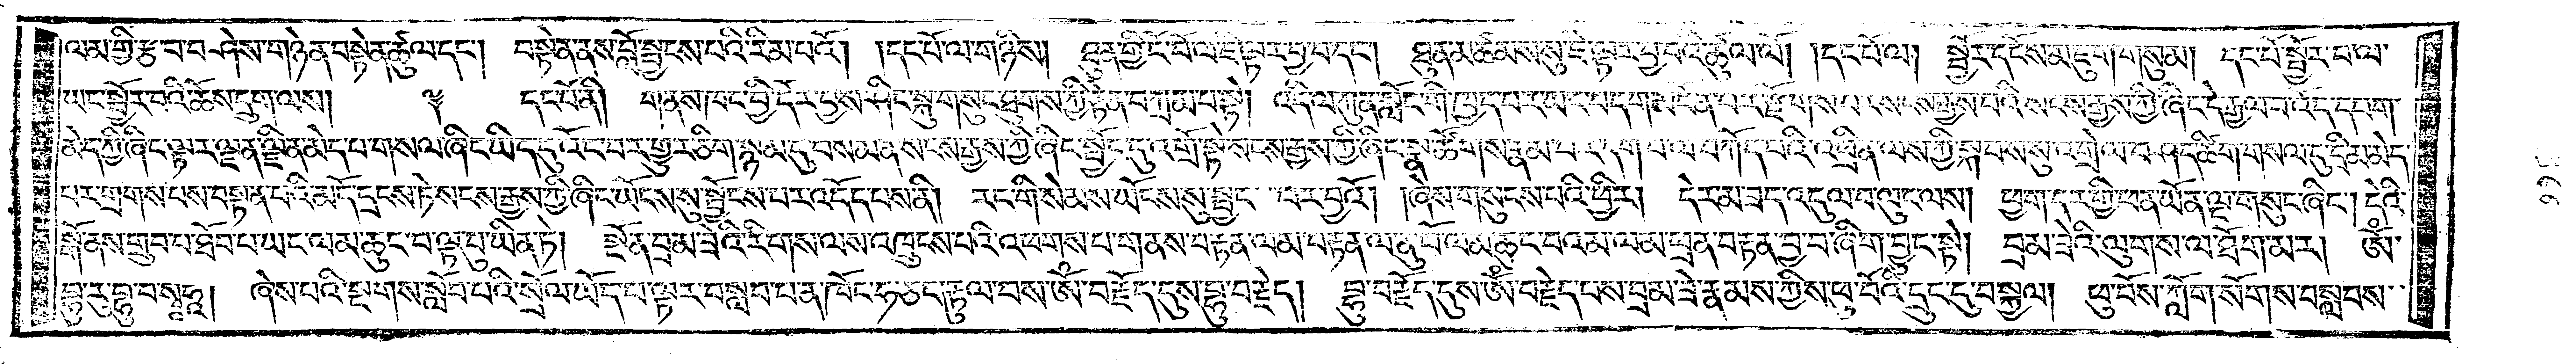ལམ་གྱི་རྩ་བ་བཤེས་གཉེན་བསྟེན་ཚུལ་དང་། བསྟེན་ནས་བློ་སྦྱངས་པའི་རིམ་པའོ། །དང་པོ་ལ་གཉིས། ཐུན་གྱི་ངོ་བོ་ལ་ཇི་ལྟར་བྱ་བ་དང་། ཐུན་མཚམས་སུ་ཇི་ལྟར་བྱ་བའི་ཚུལ་ལོ། །དང་པོ་ལ། སྦྱོར་དཔལ?། དང་པོ་སྦྱོར་བ་ལ་
ཡང་སྦྱོར་བའི་ཆོས་དྲུག་ལས། ༈ དང་པོ་ནི། གནས་ཁང་བྱི་དོར་བྱས་ཤིང་སྐུ་གསུང་ཐུགས་ཀྱི་རྟེན་བཀྲམ་པ་སྟེ། འདི་ལ་ཀུན་སློང་གི་ཁྱད་པར་ཡང་བདག་མངོན་པར་རྫོགས་པར་སངས་རྒྱས་པའི་སངས་རྒྱས་ཀྱི་ཞིང་དེ་རྒྱལ་བ་འོད་དཔག་
མེད་ཀྱི་ཞིང་ལྟར་ལྗན་ལྗིན་མེད་པ་གསལ་ཞིང་ཡིད་དུ་འོང་བར་གྱུར་ཅིག་སྙམ་དུ་བསམ་ན་སངས་རྒྱས་ཀྱི་ཞིང་སྦྱོང་དུ་འགྲོ་སྟེ་སངས་རྒྱས་ཀྱི་ཞིང་སྣ་ཚོགས་རྣམ་པར་དག་པ་ལ་བཀོད་པའི་འཕྲིན་ལས་ཀྱི་སྐབས་སུ་འགྲེལ་བཤད་ཚིག་གསལ་དུ་དྲི་མ་མེད་
པར་གྲགས་པས་བསྟན་པའི་མདོ་དྲངས་ཏེ་སངས་རྒྱས་ཀྱི་ཞིང་ཡོངས་སུ་སྦྱོངས་པར་འདོད་པས་ནི། རང་གི་སེམས་ཡོངས་སུ་སྦྱང་བར་བྱའོ། །ཞེས་གསུངས་པའི་ཕྱིར། དེར་མ་ཟད་འདུལ་བ་ལུང་ལས། ཕྱག་དེར་གྱི་ཕན་ཡོན་ལྔ་གསུང་ཞིང་། དེའི་
སྒོ་ནས་གྲུབ་པ་ཐོབ་པ་ཡང་ལམ་ཆུང་བ་ལྟ་བུ་ཡིན་ཏེ། སྔོན་བྲམ་ཟེའི་རིགས་ལས་འཁྲུངས་པའི་འཕགས་པ་གནས་བརྟན་ལམ་བརྟན་ལ་ནུ་བོ་ལམ་ཆུང་བའམ་ལམ་ཕྲན་བརྟན་བྱ་བ་ཞིག་བྱུང་སྟེ། བྲམ་ཟེའི་ལུགས་ལ་ཐོག་མར། ཨོཾ་
བྷུ་རུ་བྷུ་བ་སྭཱཧཱ། ཞེས་པའི་སྔགས་སློབ་པའི་སྲོལ་ཡོད་པ་ལྟར་བསླབ་པ་ན་ཁོང་ཧ་ཅང་རྟུལ་བས་ཨོཾ་བརྗོད་དུས་བྷུ་བརྗེད། བྷུ་བརྗོད་དུས་ཨོཾ་བརྗེད་པས་བྲམ་ཟེ་རྣམས་ཀྱིས་ཕུ་བོའི་དྲུང་དུ་བསྐྱལ། ཕུ་བོས་ཀློག་སོགས་བསླབས་